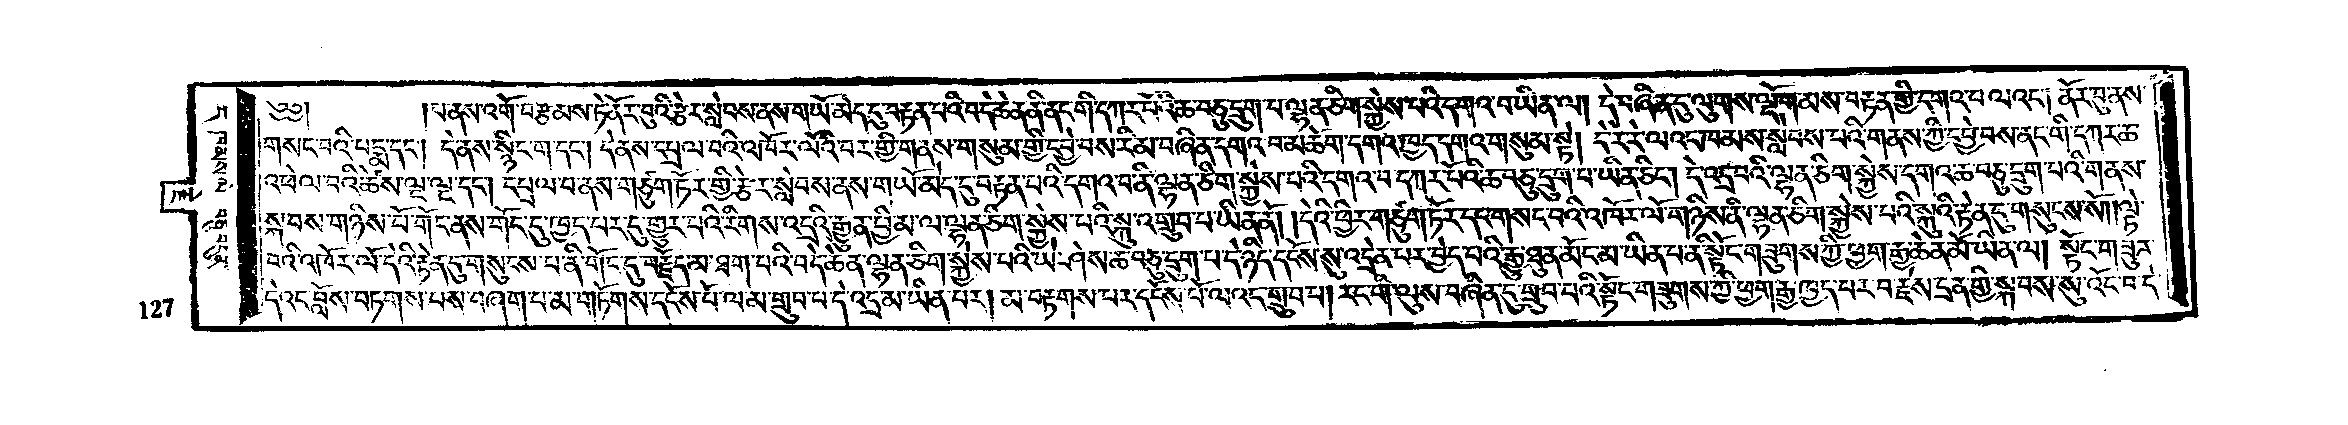༄༅། །པ་ནས་འགོ་བརྩམས་ཏེ་ནོར་བུའི་རྩེར་སླེབས་ནས་གཡོ་མེད་དུ་བརྟན་པའི་བདེ་ཆེན་ནི་ནང་གི་དཀར་པོའི་ཆ་བཅུ་དྲུག་པ་ལྷན་ཅིག་སྐྱེས་པའི་དགའ་བ་ཡིན་ལ། དེ་བཞིན་དུ་ལུགས་ལྡོག་མས་བརྟན་གྱི་དགའ་བ་ལའང་། ནོར་བུ་ནས་
གསང་བའི་པདམ་དང་། དེ་ནས་སྙིང་ག་དང་། དེ་ནས་དཔྲལ་བའི་འཁོར་ལོའི་བར་གྱི་གནས་གསུམ་གྱི་དབྱེ་བས་རིམ་བཞིན་དགའ་བ་མཆོག་དགའ་ཁྱད་དགའ་གསུམ་སྟེ། དེ་རེ་རེ་ལའང་ཁམས་སླེབས་པའི་གནས་ཀྱི་དབྱེ་བས་ནང་གི་དཀར་ཆ་
འཕེལ་བའི་ཚེས་ལྔ་ལྔ་དང་། དཔྲལ་བ་ནས་གཙུག་ཏོར་གྱི་རྩེར་སླེབས་ནས་གཡོ་མེད་དུ་བརྟན་པའི་དགའ་བ་ནི་ལྷན་ཅིག་སྐྱེས་པའི་དགའ་བ་དཀར་པོའི་ཆ་བཅུ་དྲུག་པ་ཡིན་ཅིང་། དེ་འདྲ་བའི་ལྷན་ཅིག་སྐྱེས་དགའ་ཆ་བཅུ་དྲུག་པའི་གནས་
སྐབས་གཉིས་པོ་གོང་ནས་གོང་དུ་ཁྱད་པར་དུ་གྱུར་པའི་རིགས་འདྲའི་རྒྱུན་ཕྱི་མ་ལ་ལྷན་ཅིག་སྐྱེས་པའི་སྐུ་འགྲུབ་པ་ཡིན་ནོ། །དེའི་ཕྱིར་གཙུག་ཏོར་དང་གསང་བའི་འཁོར་ལོ་གཉིས་ནི་ལྷན་ཅིག་སྐྱེས་པའི་སྐུའི་རྟེན་དུ་གསུངས་སོ། །ལྟེ་
བའི་འཁོར་ལོ་དེའི་རྟེན་དུ་གསུངས་པ་ནི་གོང་དུ་བརྗོད་མ་ཐག་པའི་བདེ་ཆེན་ལྷན་ཅིག་སྐྱེས་པའི་ཡེ་ཤེས་ཆ་བཅུ་དྲུག་པ་དེ་ཉིད་དངོས་སུ་འདྲེན་པར་བྱེད་པའི་རྒྱུ་ཐུན་མོང་མ་ཡིན་པ་ནི་སྟོང་གཟུགས་ཀྱི་ཕྱག་རྒྱ་ཆེན་མོ་ཡིན་ལ། སྟོང་གཟུགས་
དེའང་བློས་བཏགས་པས་བཞག་པ་མ་གཏོགས་དངོས་པོ་ལ་མ་གྲུབ་པ་དེ་འདྲ་མ་ཡིན་པར། མ་བརྟགས་པར་དངོས་པོ་ལའང་གྲུབ་པ། རང་གི་ལུས་བཞིན་དུ་གྲུབ་པའི་སྟོང་གཟུགས་ཀྱི་ཕྱག་རྒྱ་ཁྱད་པར་བ་རྗེས་དྲན་གྱི་སྐབས་སུ་འོང་བ་དེ་